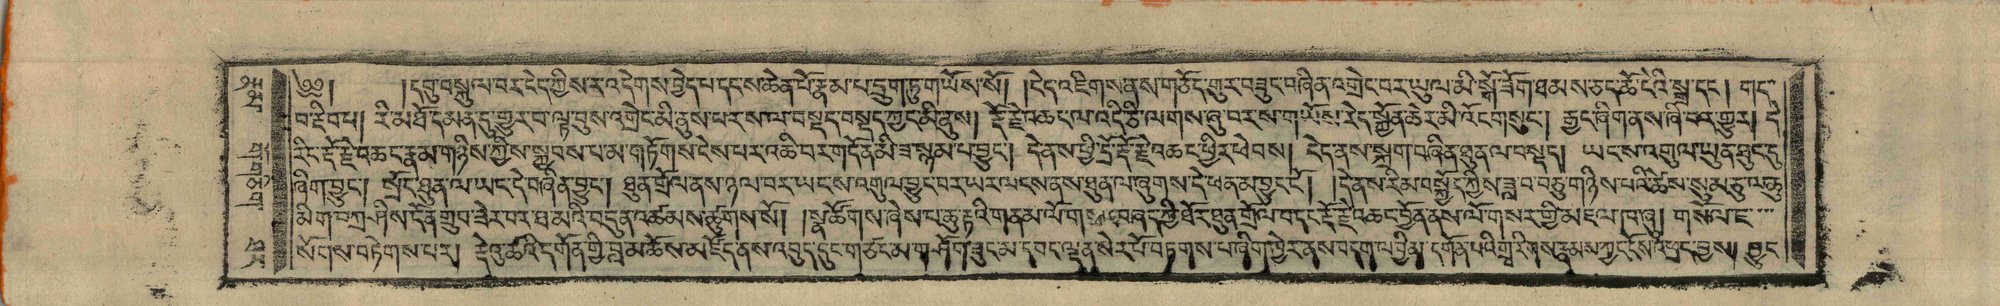༄༅། །དབུ་བསྐུལ་བར་ངེད་ཀྱིས་ར་འདེགས་བྱེད་པ་དང་ས་ཆེན་པོ་རྣམ་པ་དྲུག་ཏུ་གཡོས་སོ། །ངེད་འཇིགས་ནས་གཅོད་གུར་བཟུང་བཞིན་འགྲེང་བར་ཡུལ་མི་སྒོ་ཟོག་ཐམས་ཅད་ཆོ་དེའི་སྒྲ་དང་། གང་
བ་རྡིབ་པ། རི་མཐོ་དམན་དུ་གྱུར་བ་ལྟ་བུས་འགྲེང་མི་ནུས་པར་ས་ལ་བསྡད་བསྡད་ཀྱང་མི་ནུས། རྡོ་རྗེ་འཆང་ལ་འདི་ཅི་ལགས་ཞུ་བར་ས་གཡོས་རེད་སྐྱོན་ཆེར་མི་འོང་གསུང་། རྒྱང་ཞིག་ནས་ཞི་བར་གྱུར། དེ་
རིང་རྡོ་རྗེ་འཆང་རྣམ་གཉིས་ཀྱིས་སྐྱབས་པ་མ་གཏོགས་ངེས་པར་འཆི་བར་གདོན་མི་ཟ་སྙམ་པ་བྱུང་། དེ་ནས་ཕྱི་དྲོ་རྡོ་རྗེ་འཆང་ཕྱིར་ཕེབས། ངེད་ནས་སྐྲག་བཞིན་ཐུན་ལ་བསྡད། ཡང་ས་འགུལ་ཡུན་ཐུང་དུ་
ཞིག་བྱུང་། སྲོང་ཐུན་ལ་ཡང་དེ་བཞིན་བྱུང་། ཐུན་གྲོལ་ནས་ཉལ་བར་ཡང་ས་འགུལ་བྱུང་བར་ཡར་ལངས་ནས་ཐུན་ལ་ཞུགས་དེ་ཕན་མ་བྱུང་ངོ། །དེ་ནས་རིམ་བསྐྱོད་ཀྱིས་ཟླ་བ་བཅུ་གཉིས་པའི་ཚེས་སུམ་ཅུ་ལ་ཆུ་
མིག་བཀྲ་ཤིས་དོན་གྲུབ་ཟེར་བར་ཐ་མའི་བདུན་འཚམས་ཚུགས་སོ། །སྣ་ཚོགས་ཞེས་པ་ཆུ་རྟའི་གནམ་ལོ་གསར་བཞད་ཀྱི་ཐོར་ཐུན་གྲོལ་བ་དང་རྡོ་རྗེ་འཆང་བྱོན་ནས་ལོ་གསར་གྱི་མཇལ་ཁ་ཞུ། གསོལ་ཇ་
སོགས་བཏེགས་པར། རྡེའུ་ཚའི་དགོན་གྱི་བླ་མ་ཆོས་མཛོད་ནས་འབུད་དུང་གཙང་མ་གཤོག་ཟུང་མ་དབང་ལྡན་སེར་པོ་བཏགས་པ་ཞིག་ཁྱེར་ནས་བདག་ལ་བྱིན། དགོན་པའི་གྲྭ་རིགས་རྣམས་ཀྱང་ངོས་འཕྲད་བྱས། ཁྱུང་